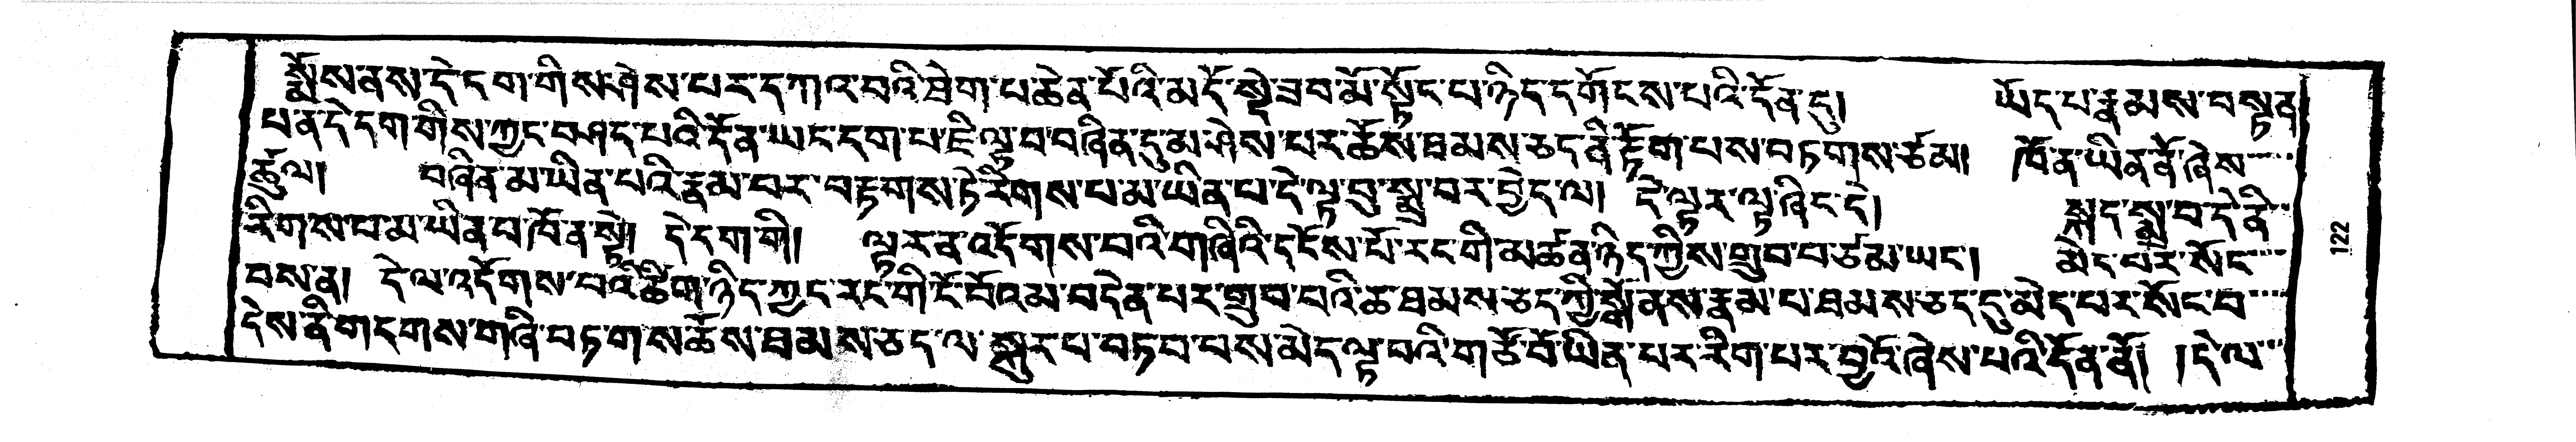སྨོས་ནས་དེ་དག་གིས་ཤེས་པར་དཀའ་བའི་ཐེག་པ་ཆེན་པོའི་མདོ་སྡེ་ཟབ་མོ་སྟོང་པ་ཉིད་དགོངས་པའི་དོན་དུ། ཡོད་པ་རྣམས་བསྟན་
པ་ན་དེ་དག་གིས་ཀྱང་བཤད་པའི་དོན་ཡང་དག་པ་ཇི་ལྟ་བ་བཞིན་དུ་མ་ཤེས་པར་ཆོས་ཐམས་ཅད་ནི་རྟོག་པས་བཏགས་ཙམ། ཁོ་ན་ཡིན་ནོ་ཞེས་
ཚུལ། བཞིན་མ་ཡིན་པའི་རྣམ་པར་བརྟགས་ཏེ་རིགས་པ་མ་ཡིན་པ་དེ་ལྟ་བུ་སྨྲ་བར་བྱེད་ལ། དེ་ལྟར་ལྟ་ཞིང་དེ། སྐད་སྨྲ་བ་དེ་ནི་
རིགས་པ་མ་ཡིན་པ་ཁོ་ན་སྟེ། དེ་དག་གི། ལྟར་ན་འདོགས་པའི་གཞིའི་དངོས་པོ་རང་གི་མཚན་ཉིད་ཀྱིས་གྲུབ་པ་ཙམ་ཡང་། མེད་པར་སོང་
བས་ན། དེ་ལ་འདོགས་པའི་ཚིག་ཉིད་ཀྱང་རང་གི་ངོ་བོའམ་བདེན་པར་གྲུབ་པའི་ཆ་ཐམས་ཅད་ཀྱི་སྒོ་ནས་རྣམ་པ་ཐམས་ཅད་དུ་མེད་པར་སོང་བ་
དེས་ནི་གདགས་གཞི་བཏགས་ཆོས་ཐམས་ཅད་ལ་སྐུར་པ་བཏབ་པས་མེད་ལྟ་བའི་གཙོ་བོ་ཡིན་པར་རིག་པར་བྱའོ་ཞེས་པའི་དོན་ནོ། །དེ་ལ་